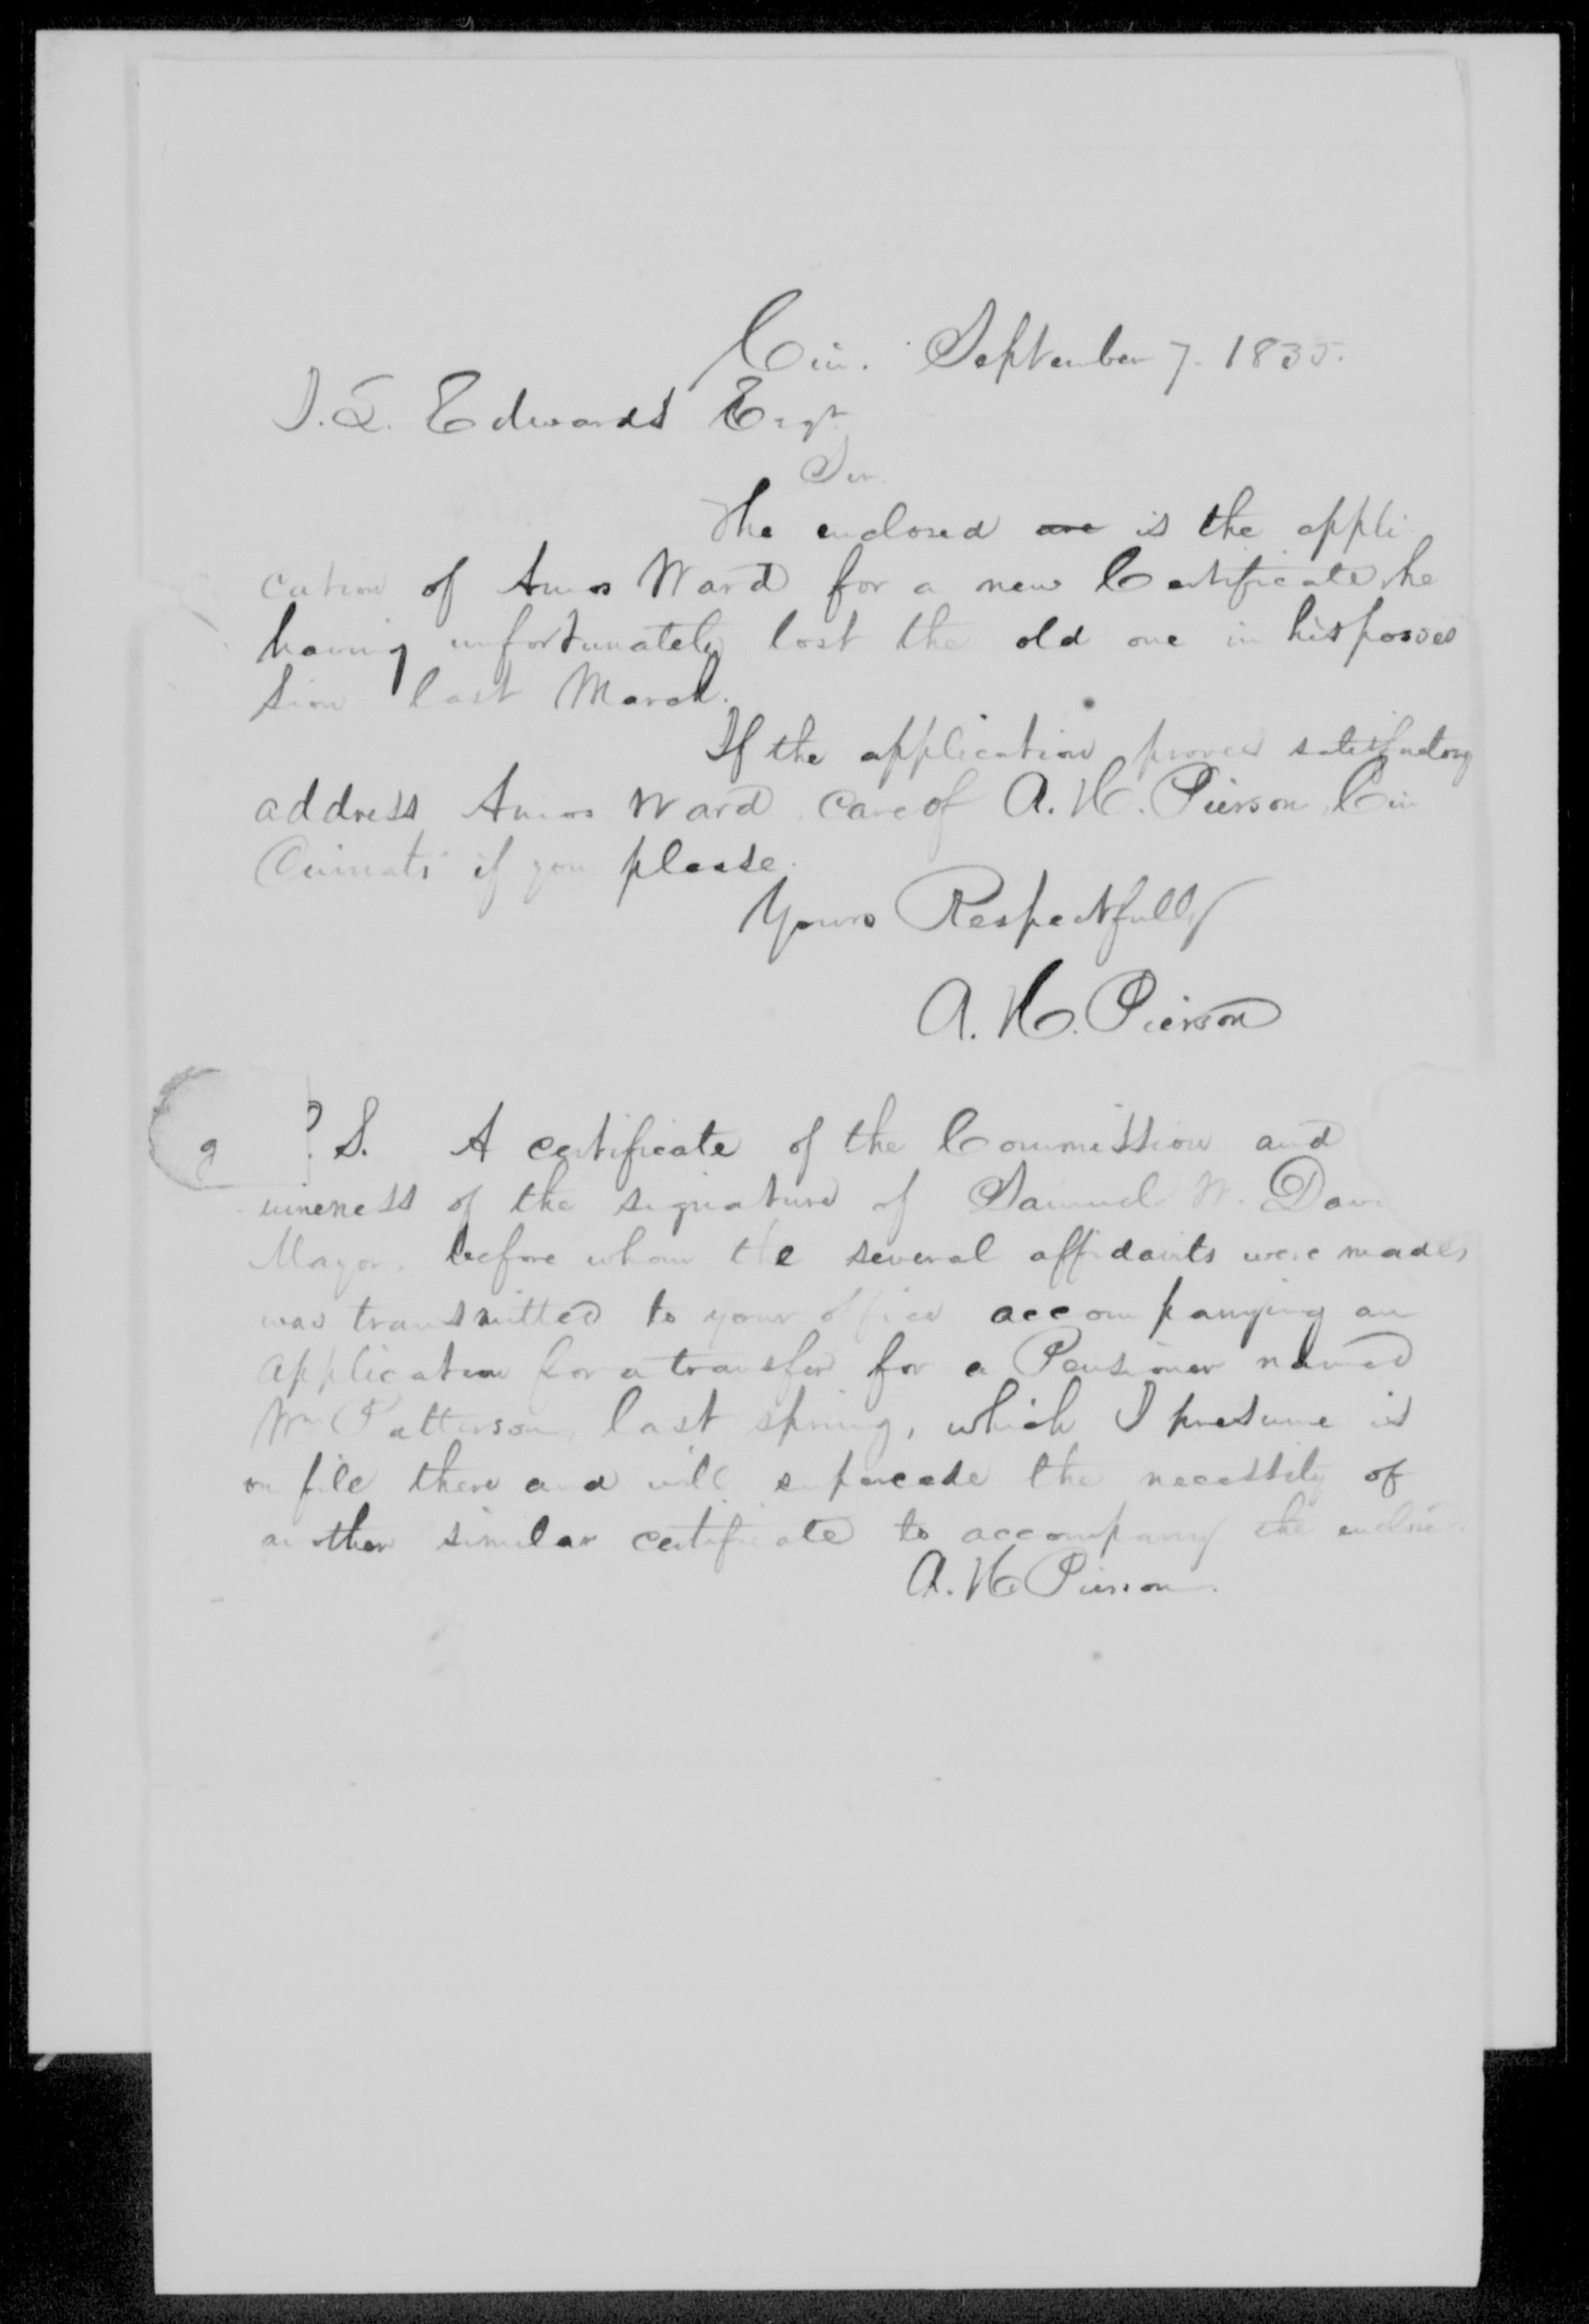Cin. September 7, 1835.
 J. L. Edwards Esqr 
Sir. 
The enclosed [crossed out 'are'] is the application of Amos Ward for a new Certificate he having unfortunately lost the old one in his possesSion last March. 
If the application proves satisfactory address Amos Ward care of A. H. Pierson, CinCinnati if you please. 
Yours Respectfully 
A. H. Pierson 

g  S. A certificate of the Commission and uineness of the signature of Samuel W. Davi Mayor, before whom the several affidavits were made, was transmitted to your office accompanying an application for a transfer for a Pensioner named Wm Patterson last spring, which I presume is on file there and will supercede the necessity of another similar certificate to accompany the enclosed.
 A. H. Pierson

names: Amos Ward, A H Pierson, Amos Ward, J L Edwards, A H Pierson, Samuel W Davi, A H Pierson, W Patterson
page: 16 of 18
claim: survivor's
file: S. 4718, Amos Ward, New Jersey